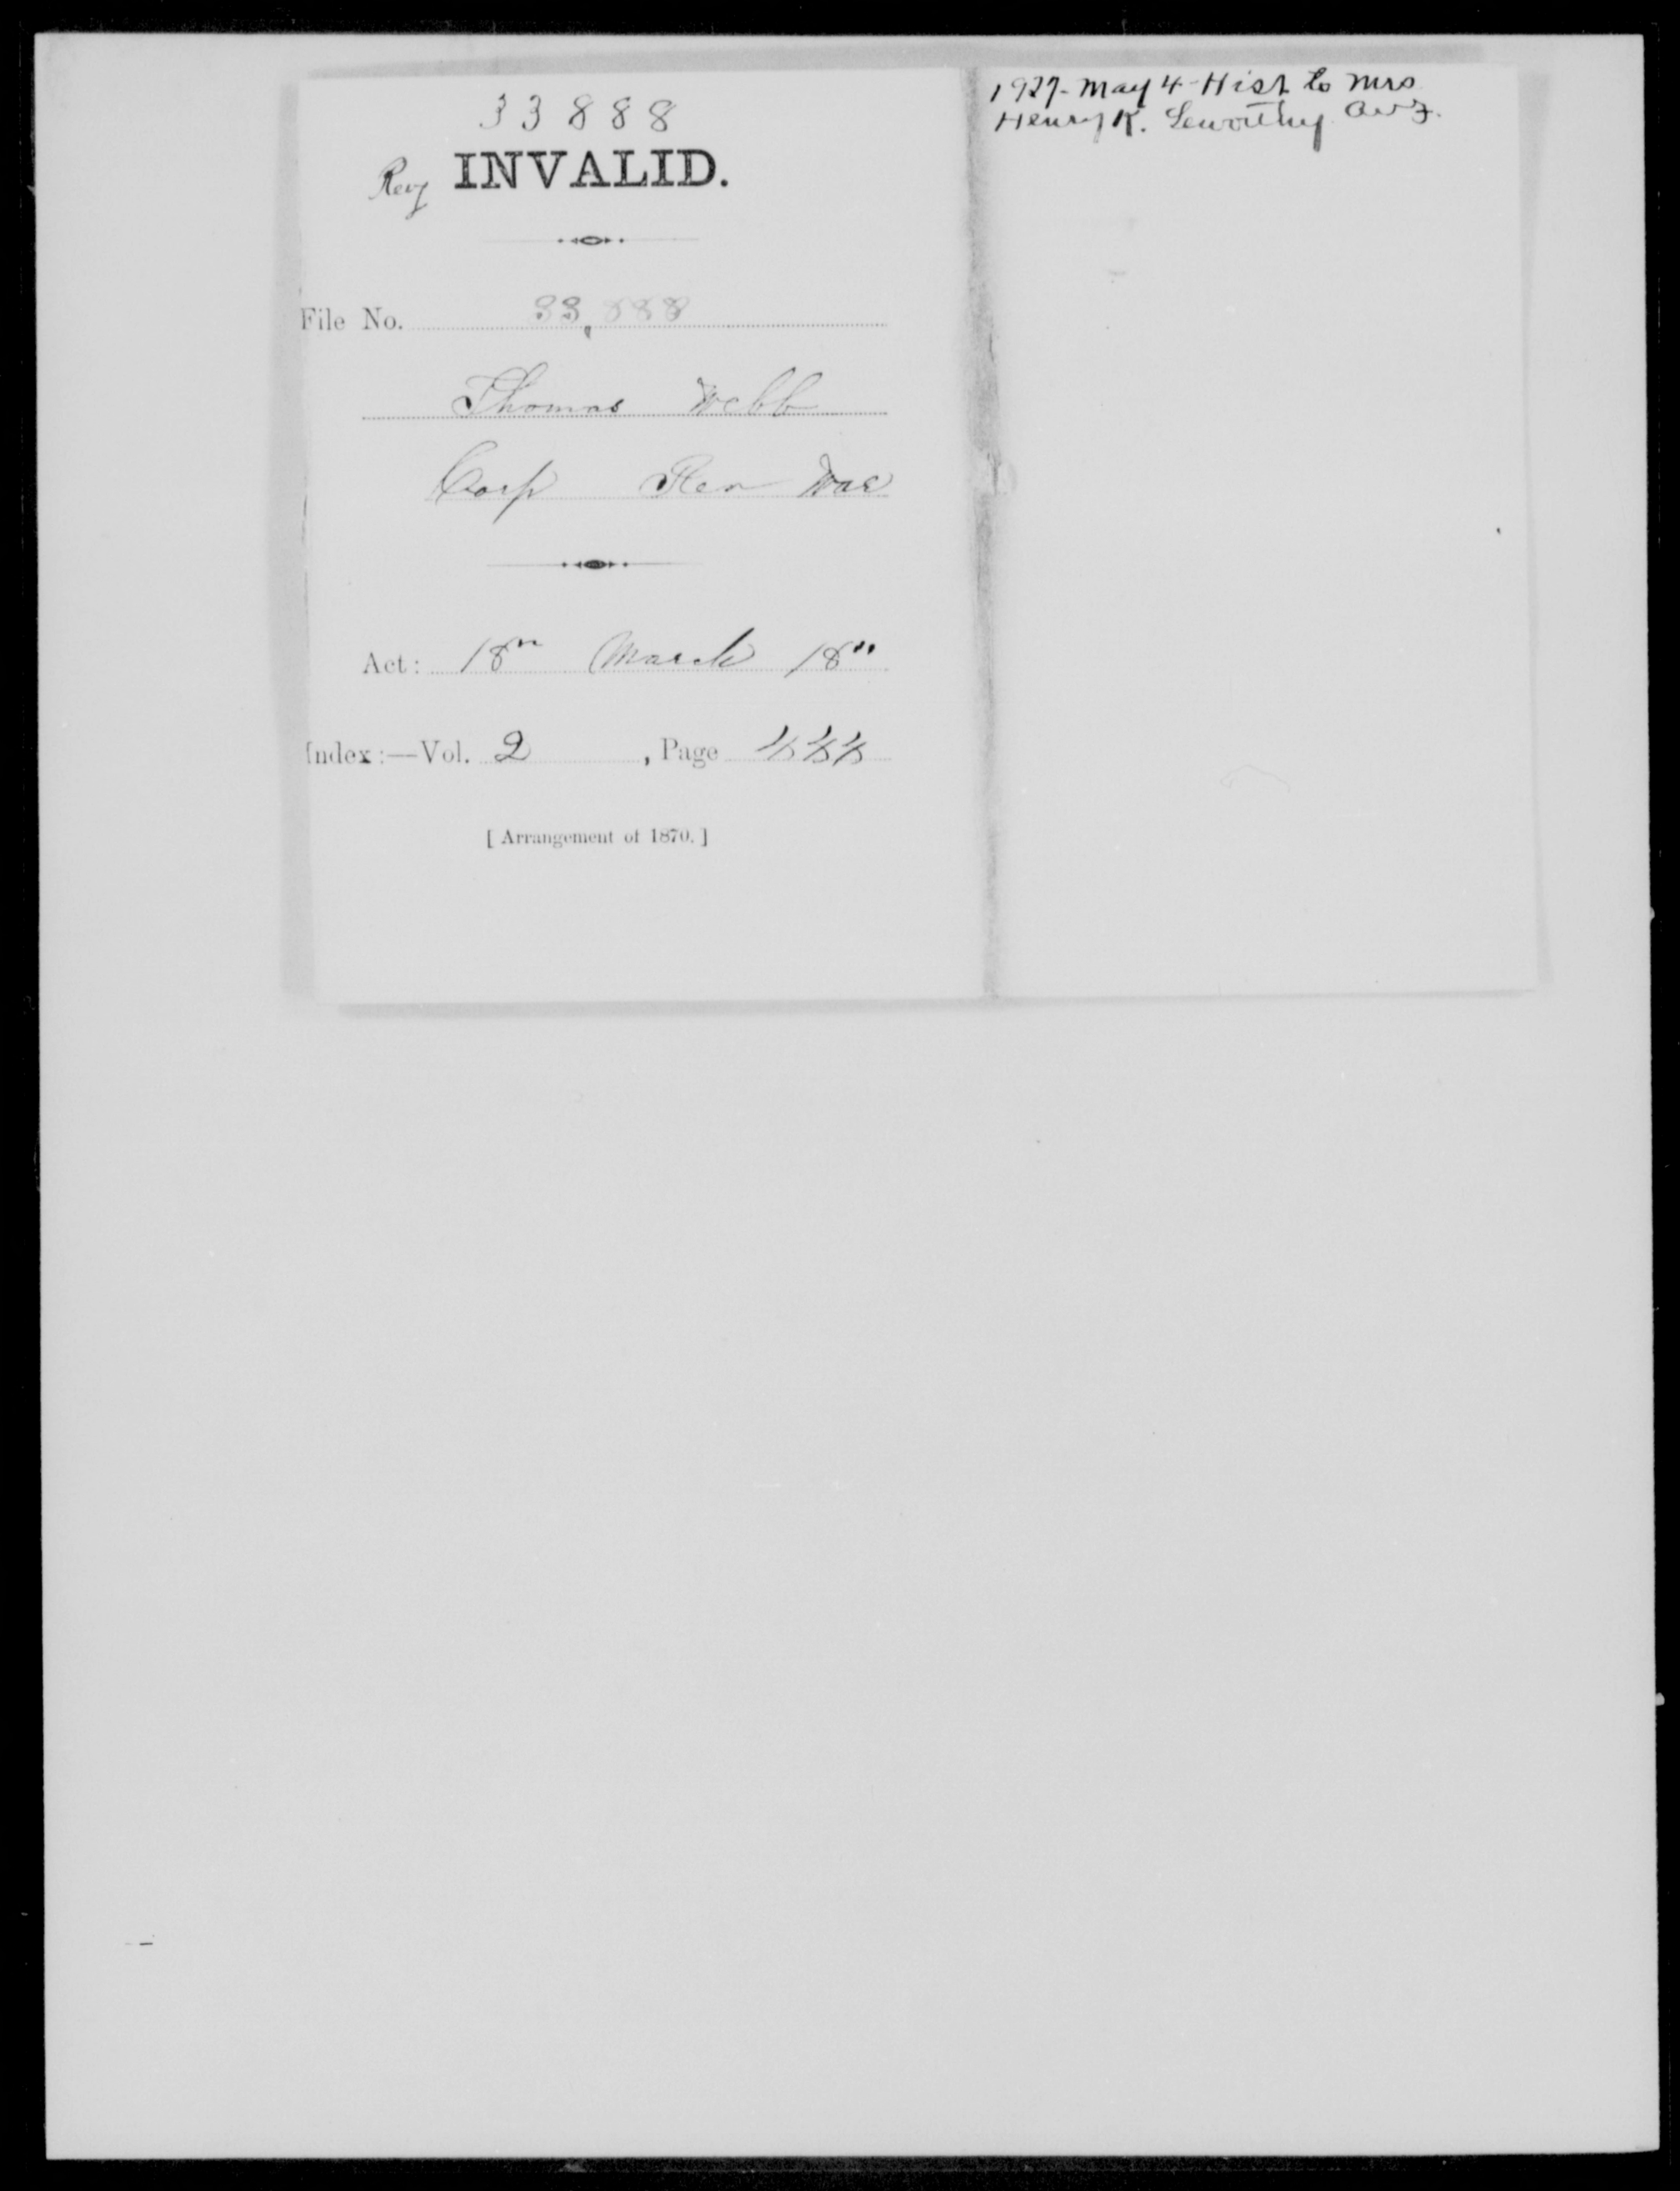33888
Revy INVALID

File No. 33,888
Thomas Webb
Corp. Rev. War

Act 18th March 18
Index: Vol. 2, Page 444
[Arrangement of 1870]


1927 May 4 Hist. to Mrs. Henry K. Leworthy  awf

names: Thomas Webb, Henry K Leworthy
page: 13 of 14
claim: survivor's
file: S. 33888, Thomas Webb, Mass.